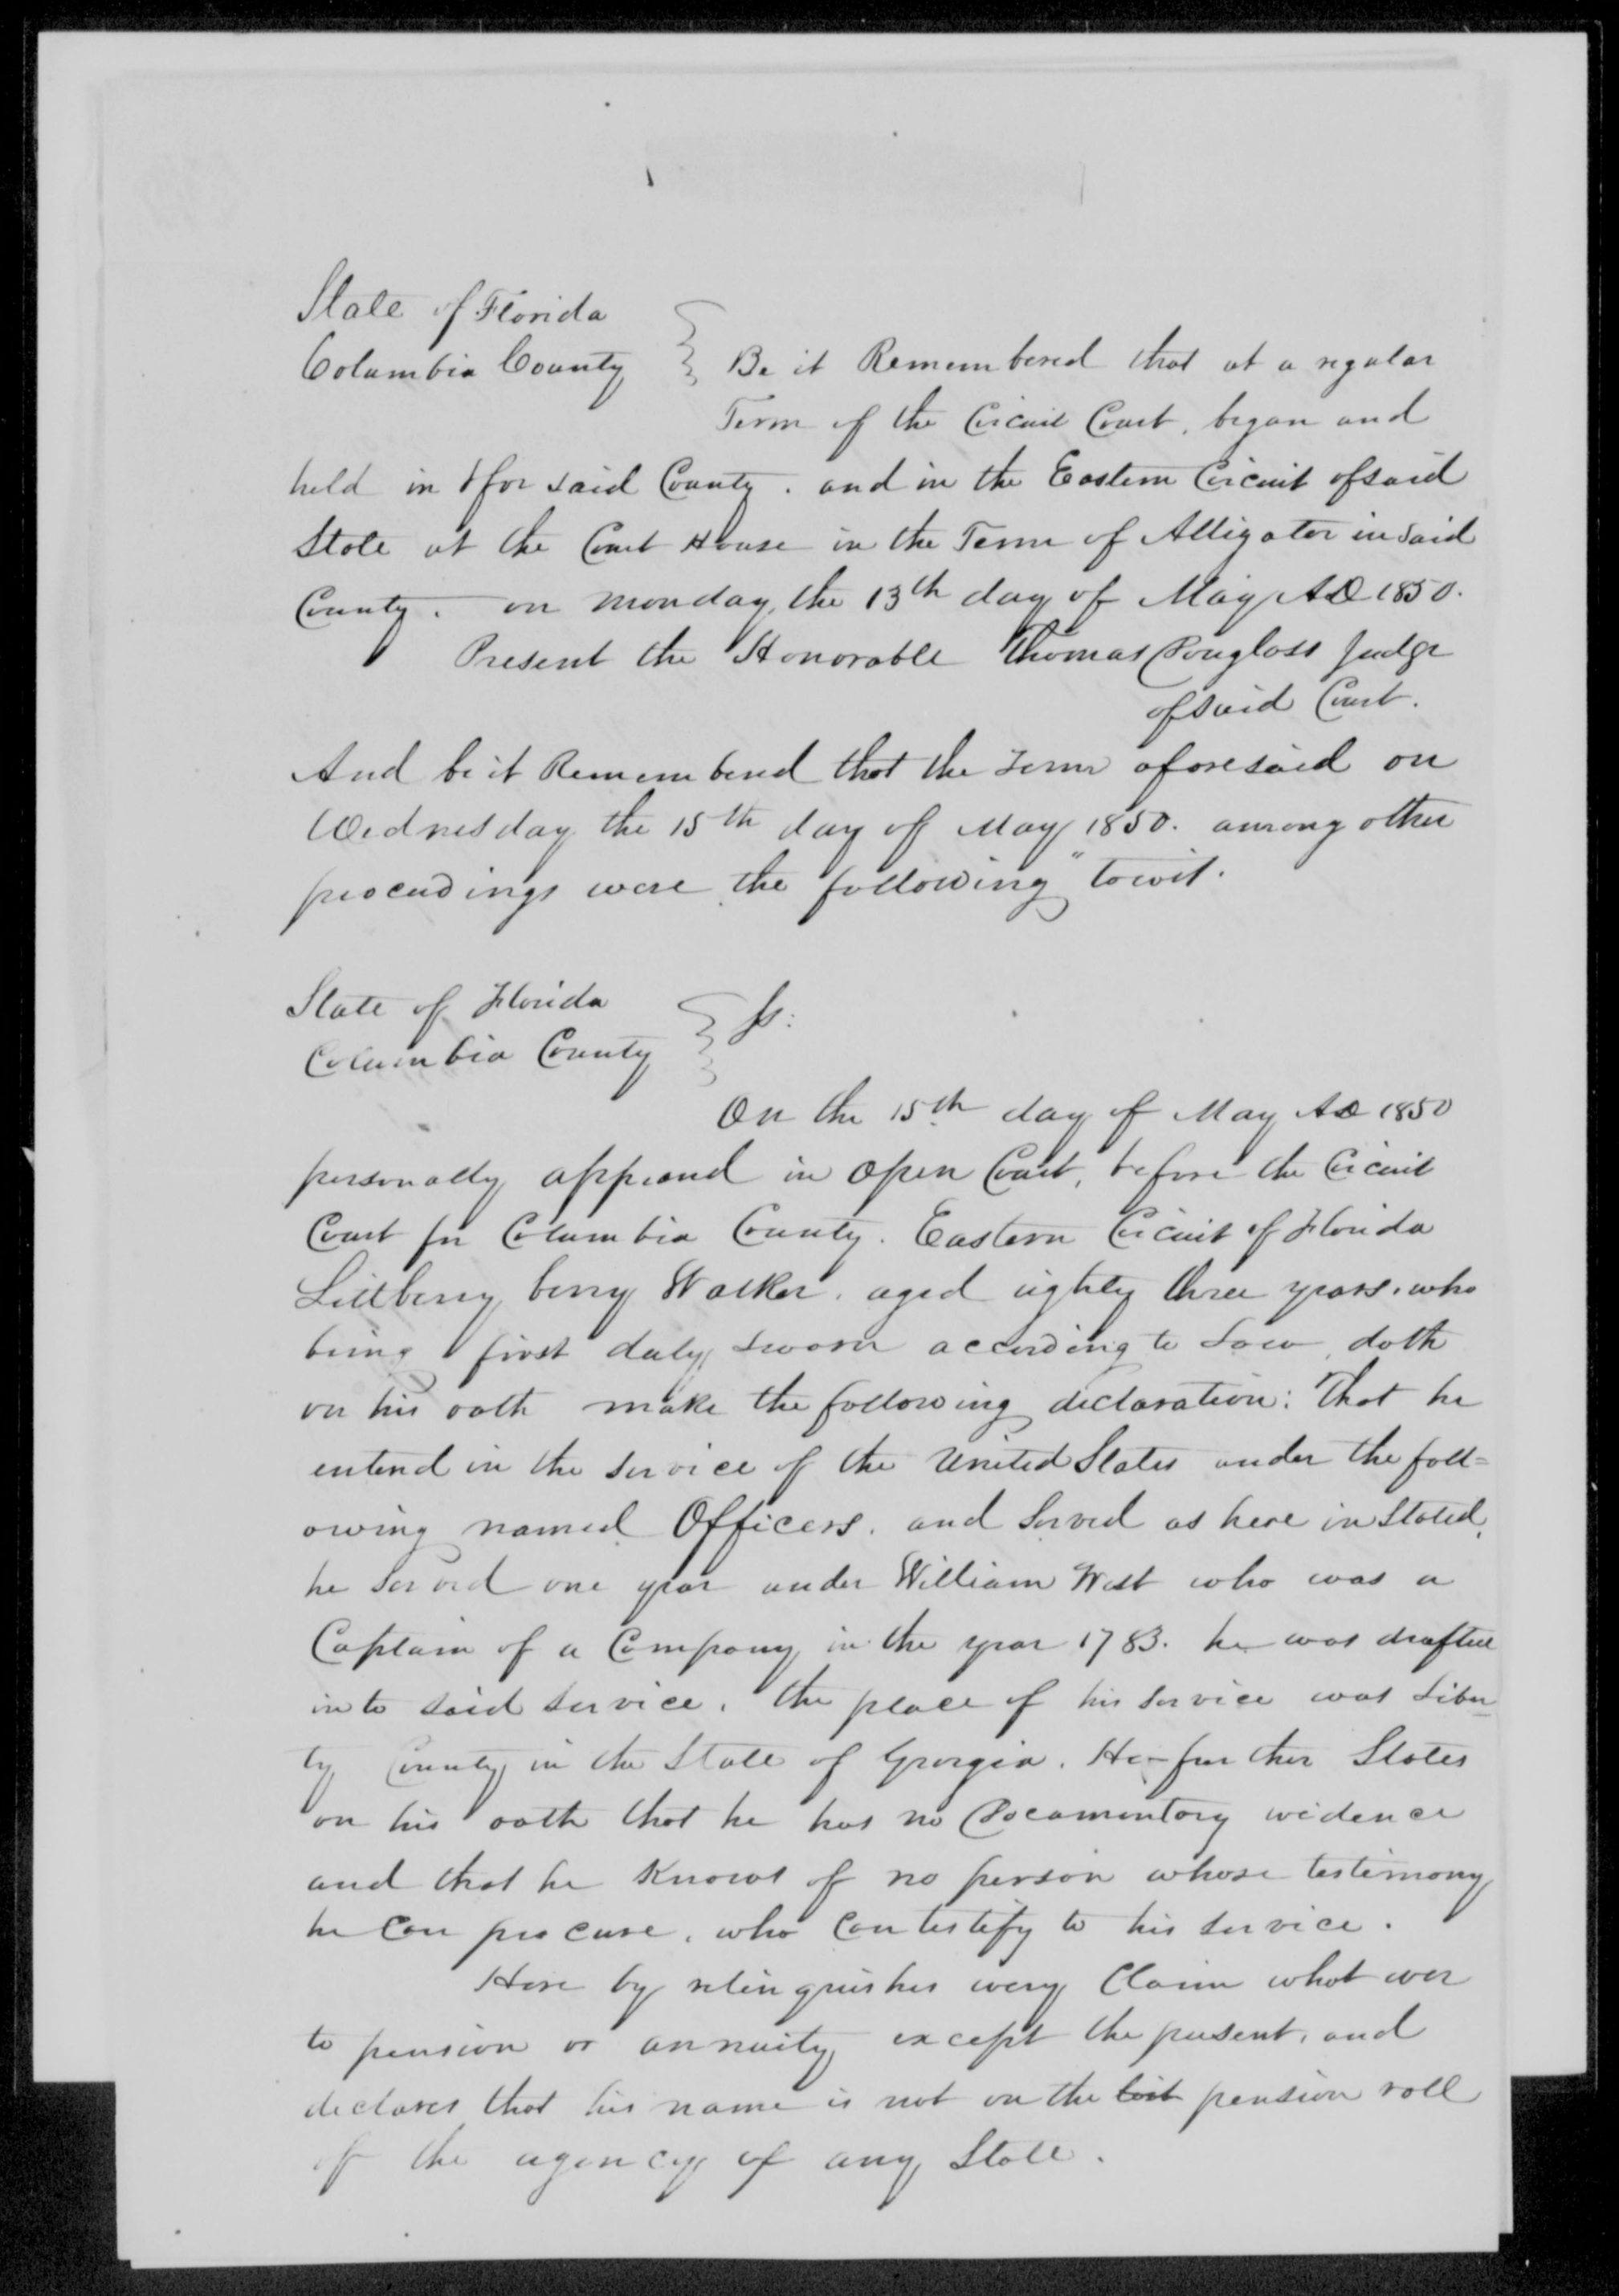State of Florida
Columbia County
Be it Remembered that at a regular Term of the Circuit Court began and held in afor said county and in the Eastern Circuit of said State at the Court House in the Town of Alligator in said County on Monday the 13th day of May AD 1850. Present the Honorable Thomas Douglass Judge of said Court.
And be it Remembered that the terms aforesaid on Wednesday the 15th day of May 1850 amonth other procedings were the following to wit.
State of Florida
Columbia County
On the 15th day of May AD 1850 personally appeared in open court, before the Circuit Court for Columbia County, Eastern Circuit of Florida Littleberry Walker, aged eighty three years, who being first duly sworn according to law, doth on his oath make the following declaration: That he entered in the service of the United States under the following named Officers and served as here in stated, he served one year under William Wolf who was a Captain of a Company in the year 1783. He was drafted into said service. The place of his service was Liberty County in the State of Georgia. He further states on his oath that he has no documentary evidence and that he knows of no person whose testimony he can procure who can testify to his service.
Here by relinquishes every claim whatever to pension or annuity except the present and declares that his name is not on the pension roll of the agency of any State.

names: William West, Littberry Berry Walker, Thomas Dougloss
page: 3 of 15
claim: rejected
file: R. 11045, Littleberry Walker, Ga.